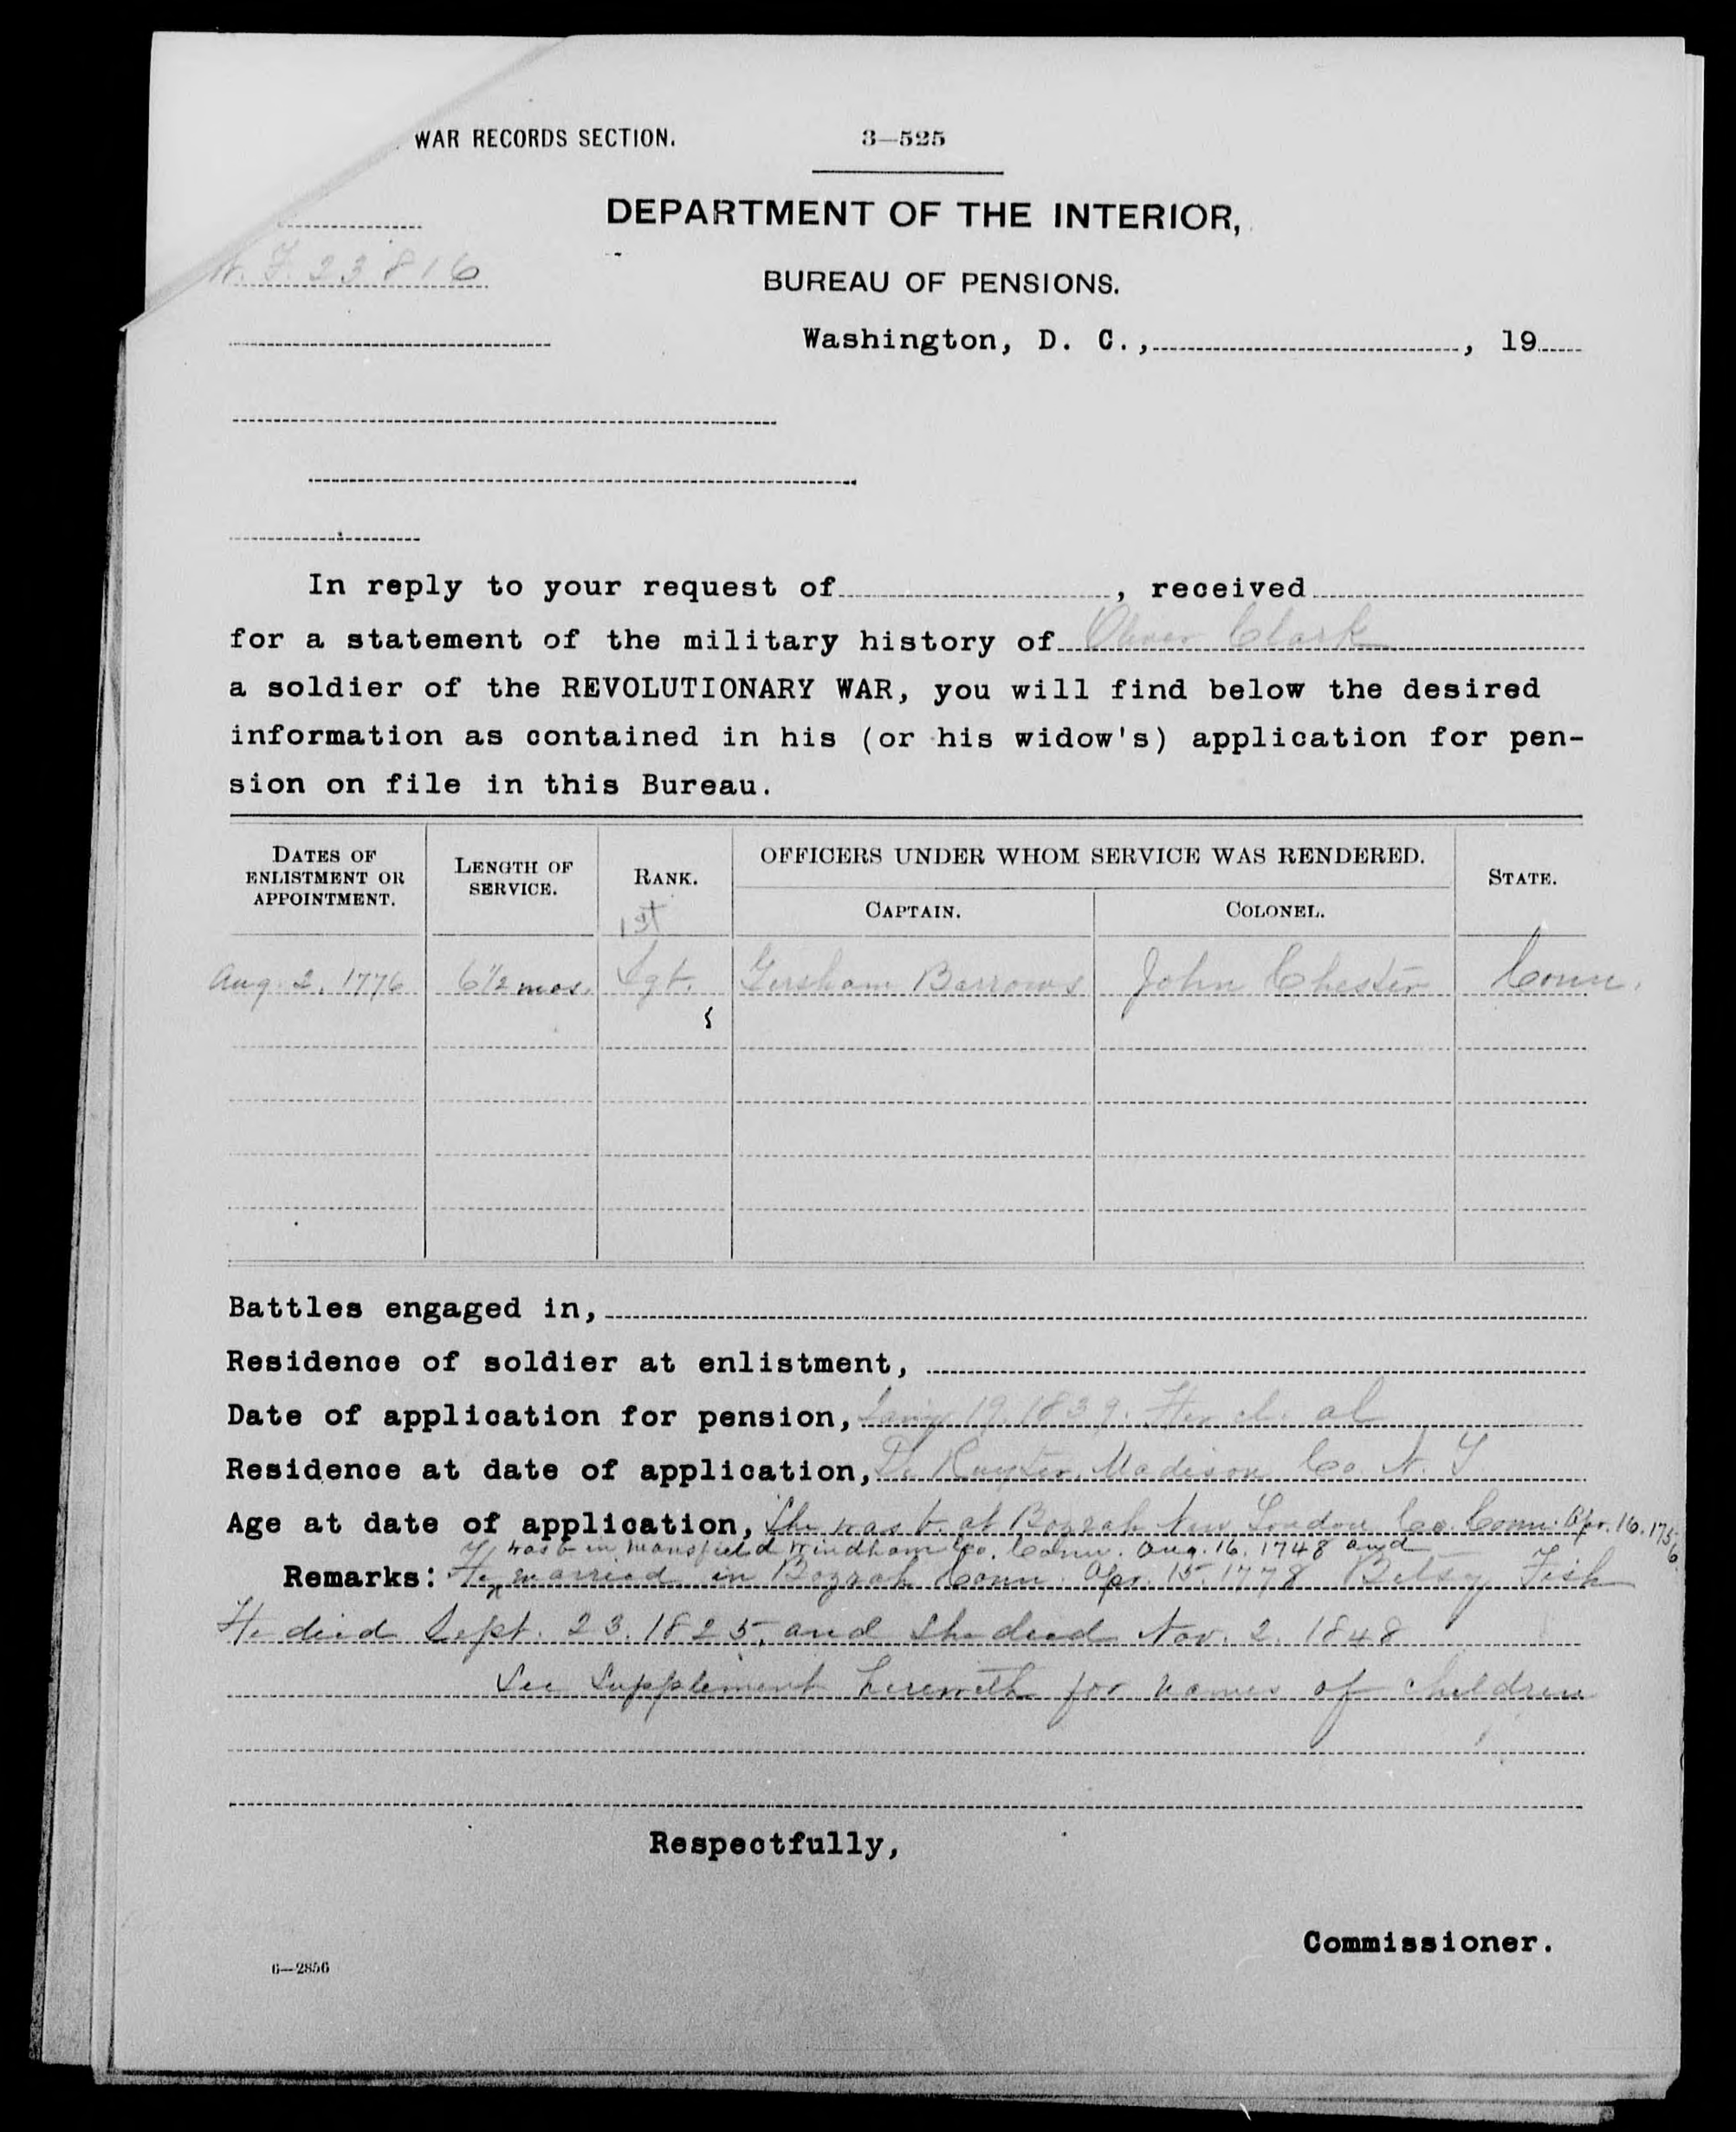War Records Section.
3-525
Department of the Interior,
Bureau of Pensions,
Washington, D. C., [blank], 19 [blank]
W. F. 23816
In reply to your request of [blank], received [blank]
for a statement of the military history of Oliver Clark
a soldier of the Revolutionary War, you will find below the desired information as contained in his (or his widow’s) application for pension on file in this Bureau.
Dates of Enlistment or Appointment. Aug. 2, 1776
Length of Service. 6 ½ mos.
Rank. 1st Sgt.
Officers Under Whom Service Was Rendered. Captain. Gersham Barrows  Colonel. John Chester
State. Connecticut

Battles engaged in, [blank]
Residence of soldier at enlistment, [blank]
Date of application for pension, Jany 19, 1839. Her [illegible] al
Residence at date of application, She was b. at Bozrah New London Co. Conn. Apr. 
Remarks: He was b. in Mansfield Windham Co. Conn. Aug. 16. 1748 and married in Bozrah Conn. Apr. 15. 1778. Betsy Fish. He died Sept. 23. 1825. And she died Nov. 2. 1848. See Supplement herewith for names of children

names: Oliver Clark, John Chester, Gersham Barrows, Betsy Fish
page: 22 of 51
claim: widow's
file: W. 23816, Oliver Clark, Conn.